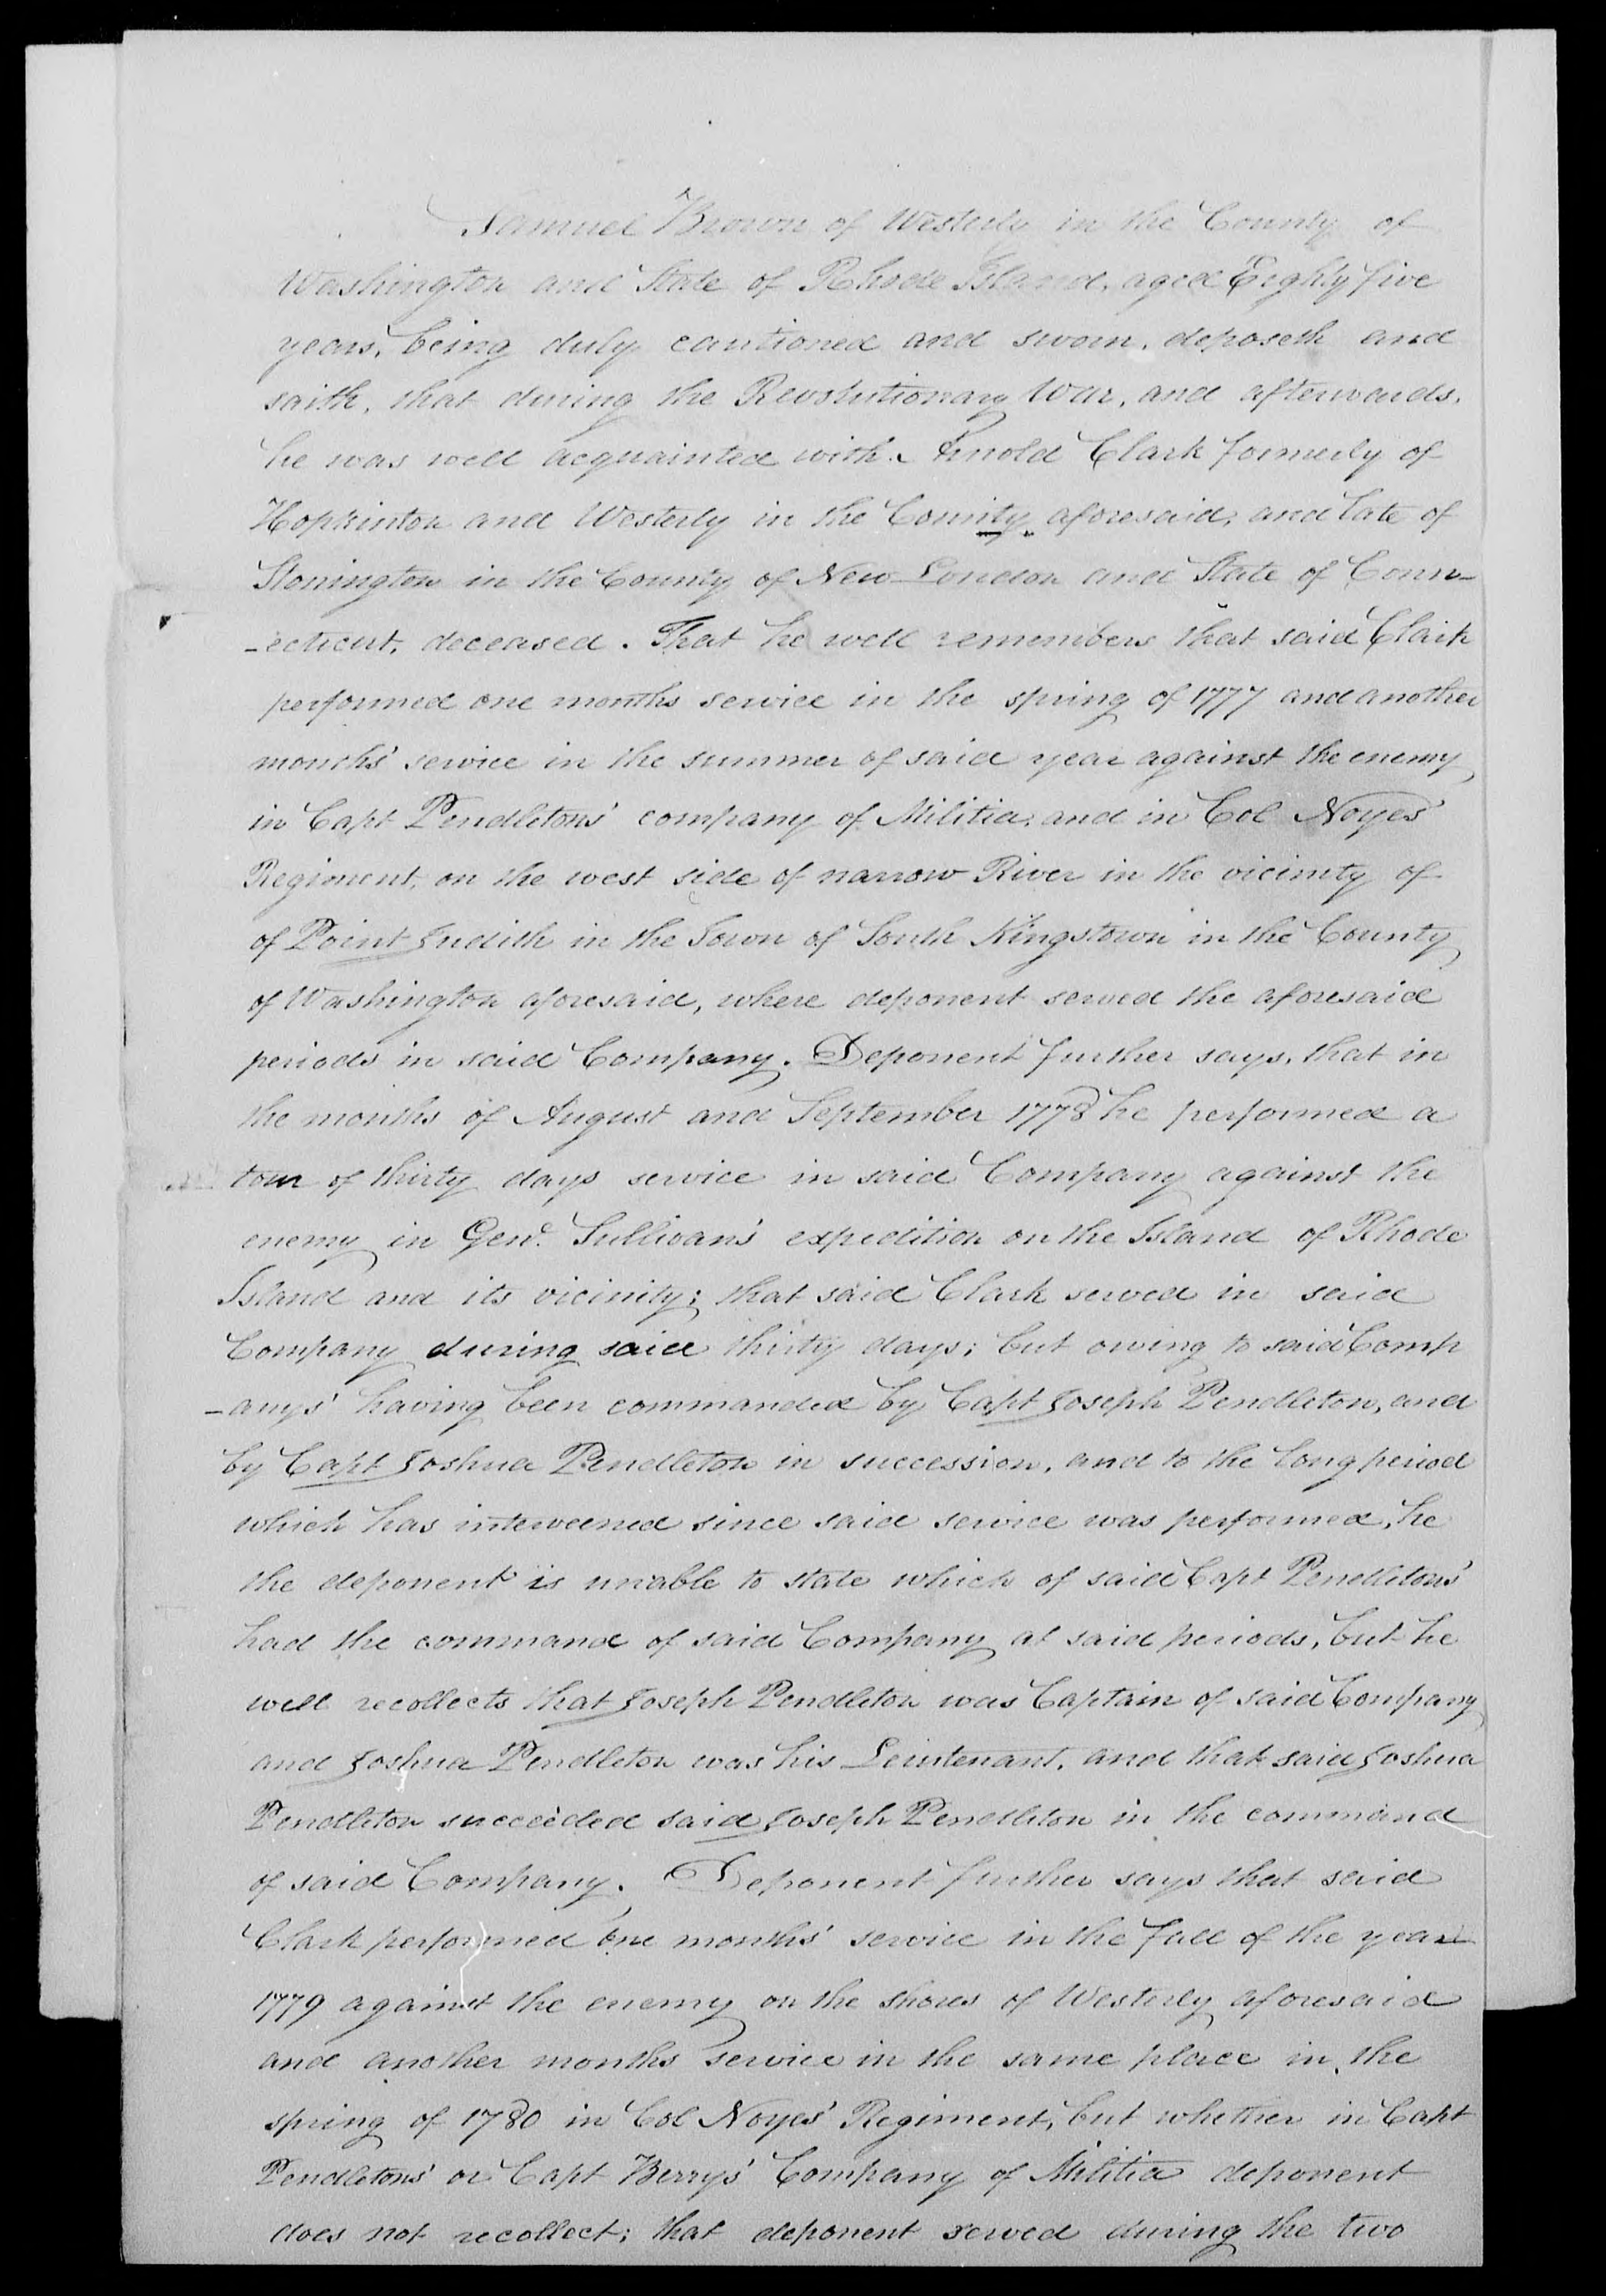Samuel Brown of Westerly in the county of Washington and state of Rhode Island, aged eighty five years, being duly cautioned and sworn, deposeth and saith, that during the Revolutionary war, and afterwards, he was well acquainted with Arnold Clark formerly of Hopkinton and Westerly in the county aforesaid, and late of Stonington in the county of New London and state of Connecticut, deceased. That he well remembers that said Clark performed one months service in the spring of 1777 and another months' service in the summer of said year against the enemy in Capt Pendletons' company of Militia and in Col Noyes' Regiment, on the west side of narrow River in the vicinity of  of Point Judith in the town of South Kingstown in the county of Washington aforesaid, where deponent served the aforesaid periods in said company. Deponent further says, that in the months of August and September 1778 he performed a tour of thirty days service in said company against the enemy in Genl. Sullivan's expedition on the Island of Rhode Island and its vicinity; that said Clark served in said company during said thirty days; but owing to said companys' having been commanded by Capt Joseph Pendleton, and by Capt Joshua Pendleton in succession, and to the long period which has interveened since said service was performed, he the deponent is unable to state which of said Capt Pendletons' had the command of said company at said periods, but he well recollects that Joseph Pendleton was Captain of said company and Joshua Pendleton was his Leiutenant, and that said Joshua Pendleton succeeded said Joseph Pendleton in the command of said company. Deponent further says that said Clark performed one months' service in the fall of the year 1779 against the enemy on the shores of Westerly aforesaid and another months service in the same place in the spring of 1780 in Col Noyes' Regiment, but whether in Capt Pendletons' or Capt Berrys' company of militia deponent does not recollect; that deponent served during the two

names: Samuel Brown, Joseph Pendleton, Clark, Joshua Pendleton, Joshua Pendleton, Pendleton, Joseph Pendleton, Pendleton, Arnold Clark, Joseph Pendleton, Clark, Joshua Pendleton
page: 32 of 48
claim: widow's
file: W. 17,628, Arnold Clarke, R.I.